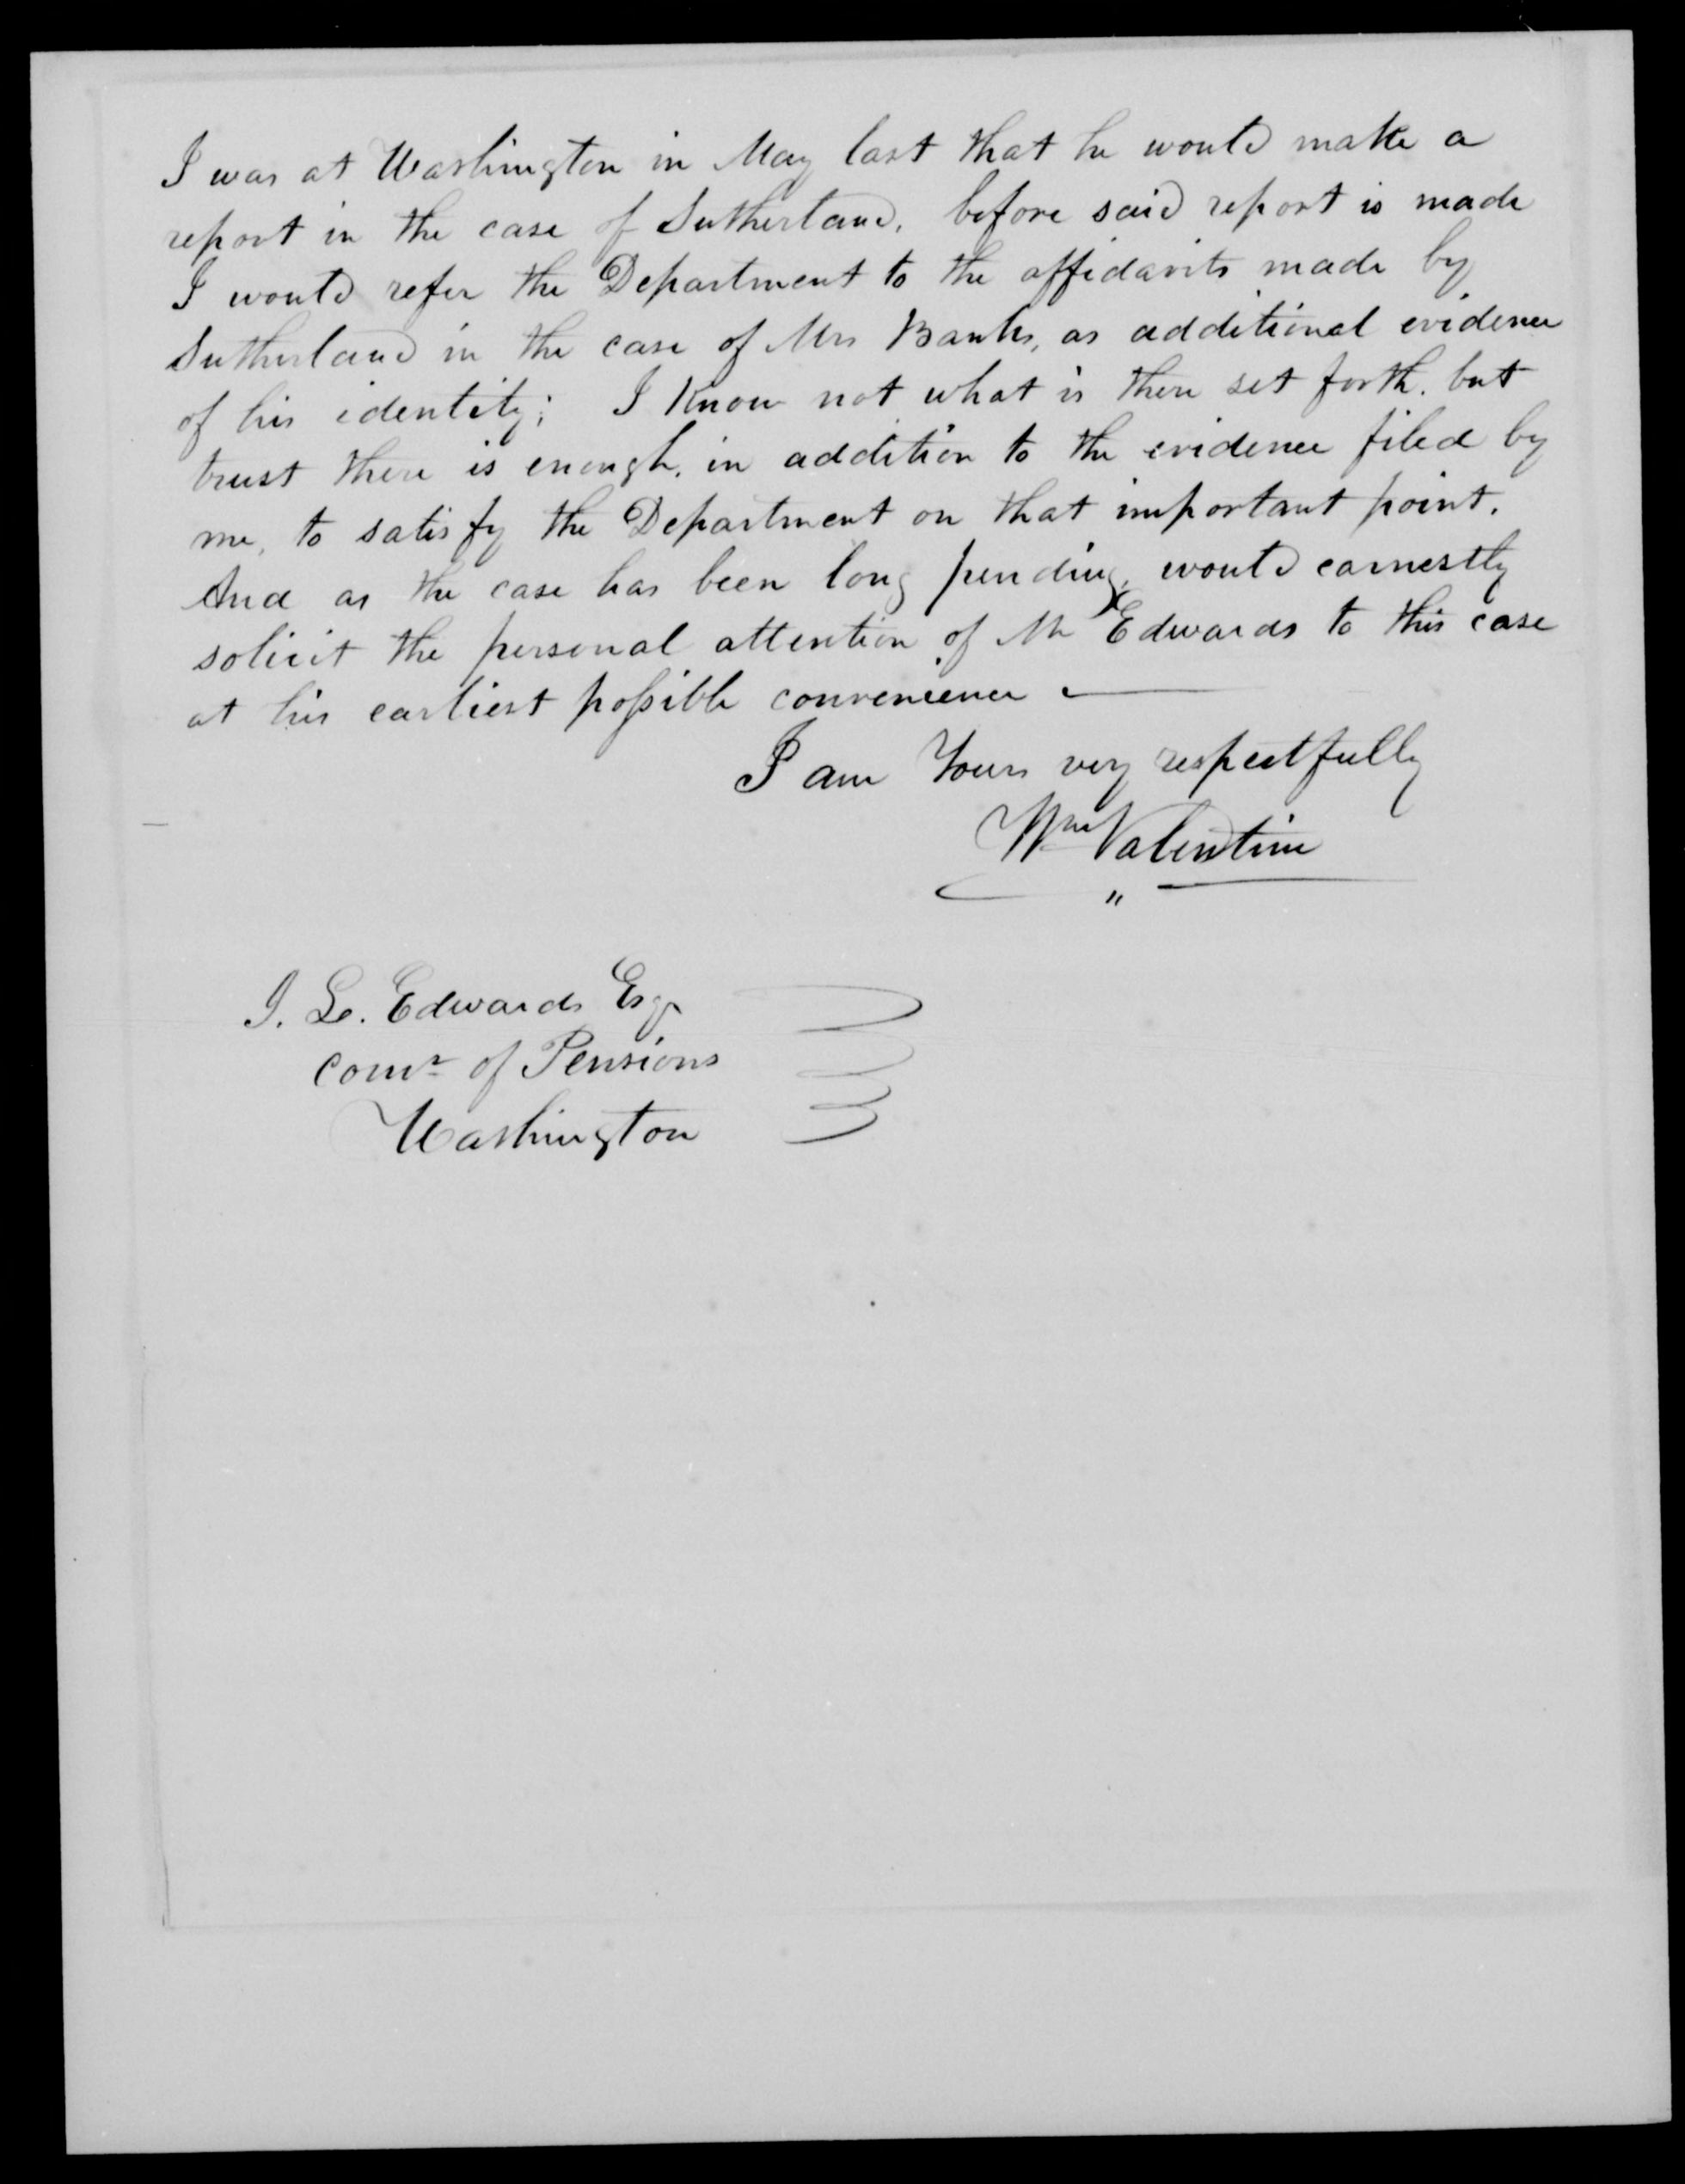I was at Washington in May last that he would make a report in the case of Sutherland, before said report is made I would refer the Department to the affidavits made by Sutherland in the case of Mrs Banks, as additional evidence of his identity; I know not what is then set forth, but trust there is enough in addition to the evidence filed by me to satisfy the Department on that important point. And as the case has been long pending, would earnestly solicit the personal attention of Mr Edwards to this case at his earliest possible convenience -
  I am Yours very respectfully
  Wm Valentine

J.L. Edwards Esq
Comr of Pensions
Washington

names: [BLANK] Sutherland; J L Edwards; [BLANK] Edwards; [BLANK] Sutherland; [BLANK] Banks; Wm Valentine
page: 66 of 77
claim: survivor's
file: S. 23003, for Silas Southerland, New York